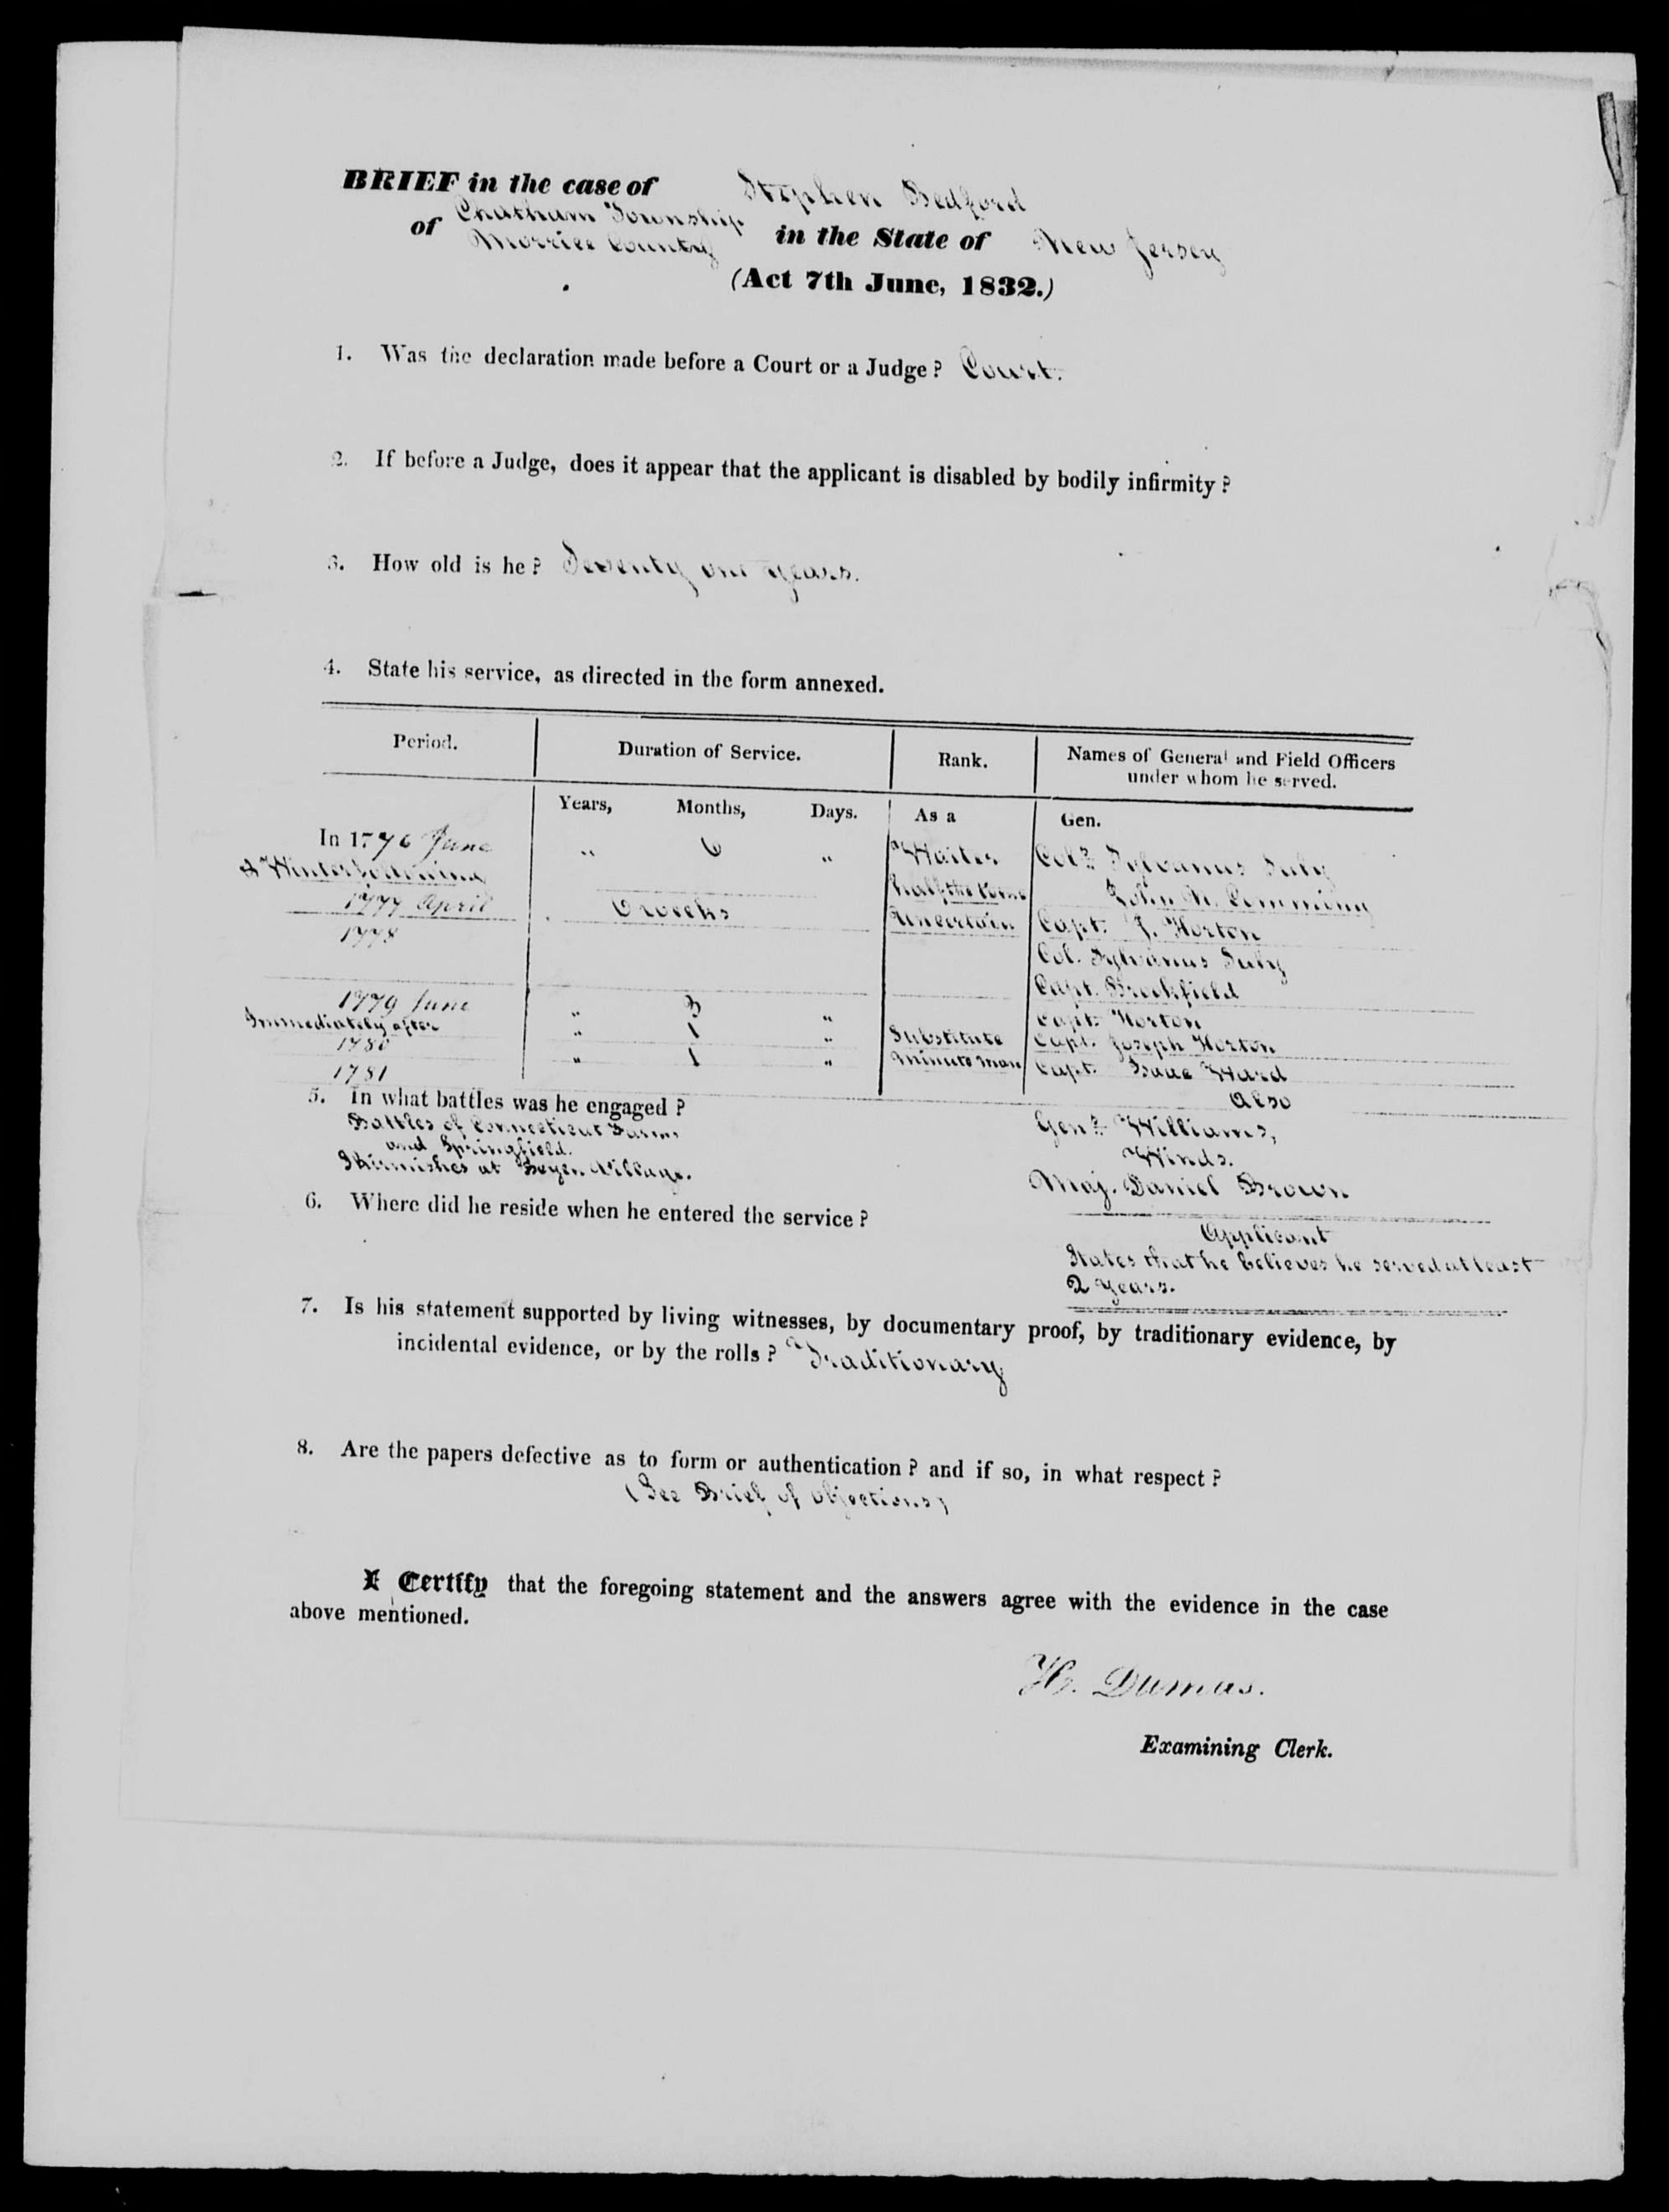BRIEF in the case of Stephen Bedford
of Chatham Township Morris County in the State of New Jersey 
(Act 7th June, 1832.)
1. Was the declaration made before a Court or a Judge? Court
2. If before a Judge, does it appear that the applicant is disabled by bodily infirmity?
3. How old is he? Seventy one years
4. State his service, as directed in the form annexed.
Period Duration of Service Rank Names of Generals and Field Officers under whom he served.
Years, Months, Days. As a Gen.
In 1776 June 6 [months] Waiter Cols. Sylvanus Seely
& Winter [illegible]  half the time John N. Cumming
1777 April 6 weeks Uncertain Capt G. Horton
1778 Col. Sylvanus Seely
Capt. Brookfield
1779 June 3 [months] Capt. Horton
Immediately after 1 [month] Substitute Capt. Joseph Horton
1780 1 [month] Minute Man Capt. Isaac Ward
1781 Also
5. In what battles was he engaged? Genl Williams
Battles of Connecticut Farm Winds
and Springfield
Skirmishes at [Illegible] Village Maj. Daniel Brown
6. Where did he reside when he entered the service? Applicant States the he believed he served 2 years.
7. Is his statement supported by living witnesses, by documentary proof, by traditionary evidence, by incidental evidence, or by the rolls? Traditionary
8. Are the papers defective as to form or authentication? and if so, in what respect? (See Brief of Objections)
I Certify that the foregoing statement and answers agree with the evidence in the case above mentioned. H. Dumas
Examining Clerk.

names: H Dumas, Stephen Bedford, Joseph Horton, John N Cumming, Sylvanus Suly, Isaac Ward, Horton, Sylvanus Suly, Stanfield, Winds, J Horton, Daniel Brown, Williams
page: 11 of 31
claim: survivor's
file: S. 2372, Stephen Bedford, New Jersey